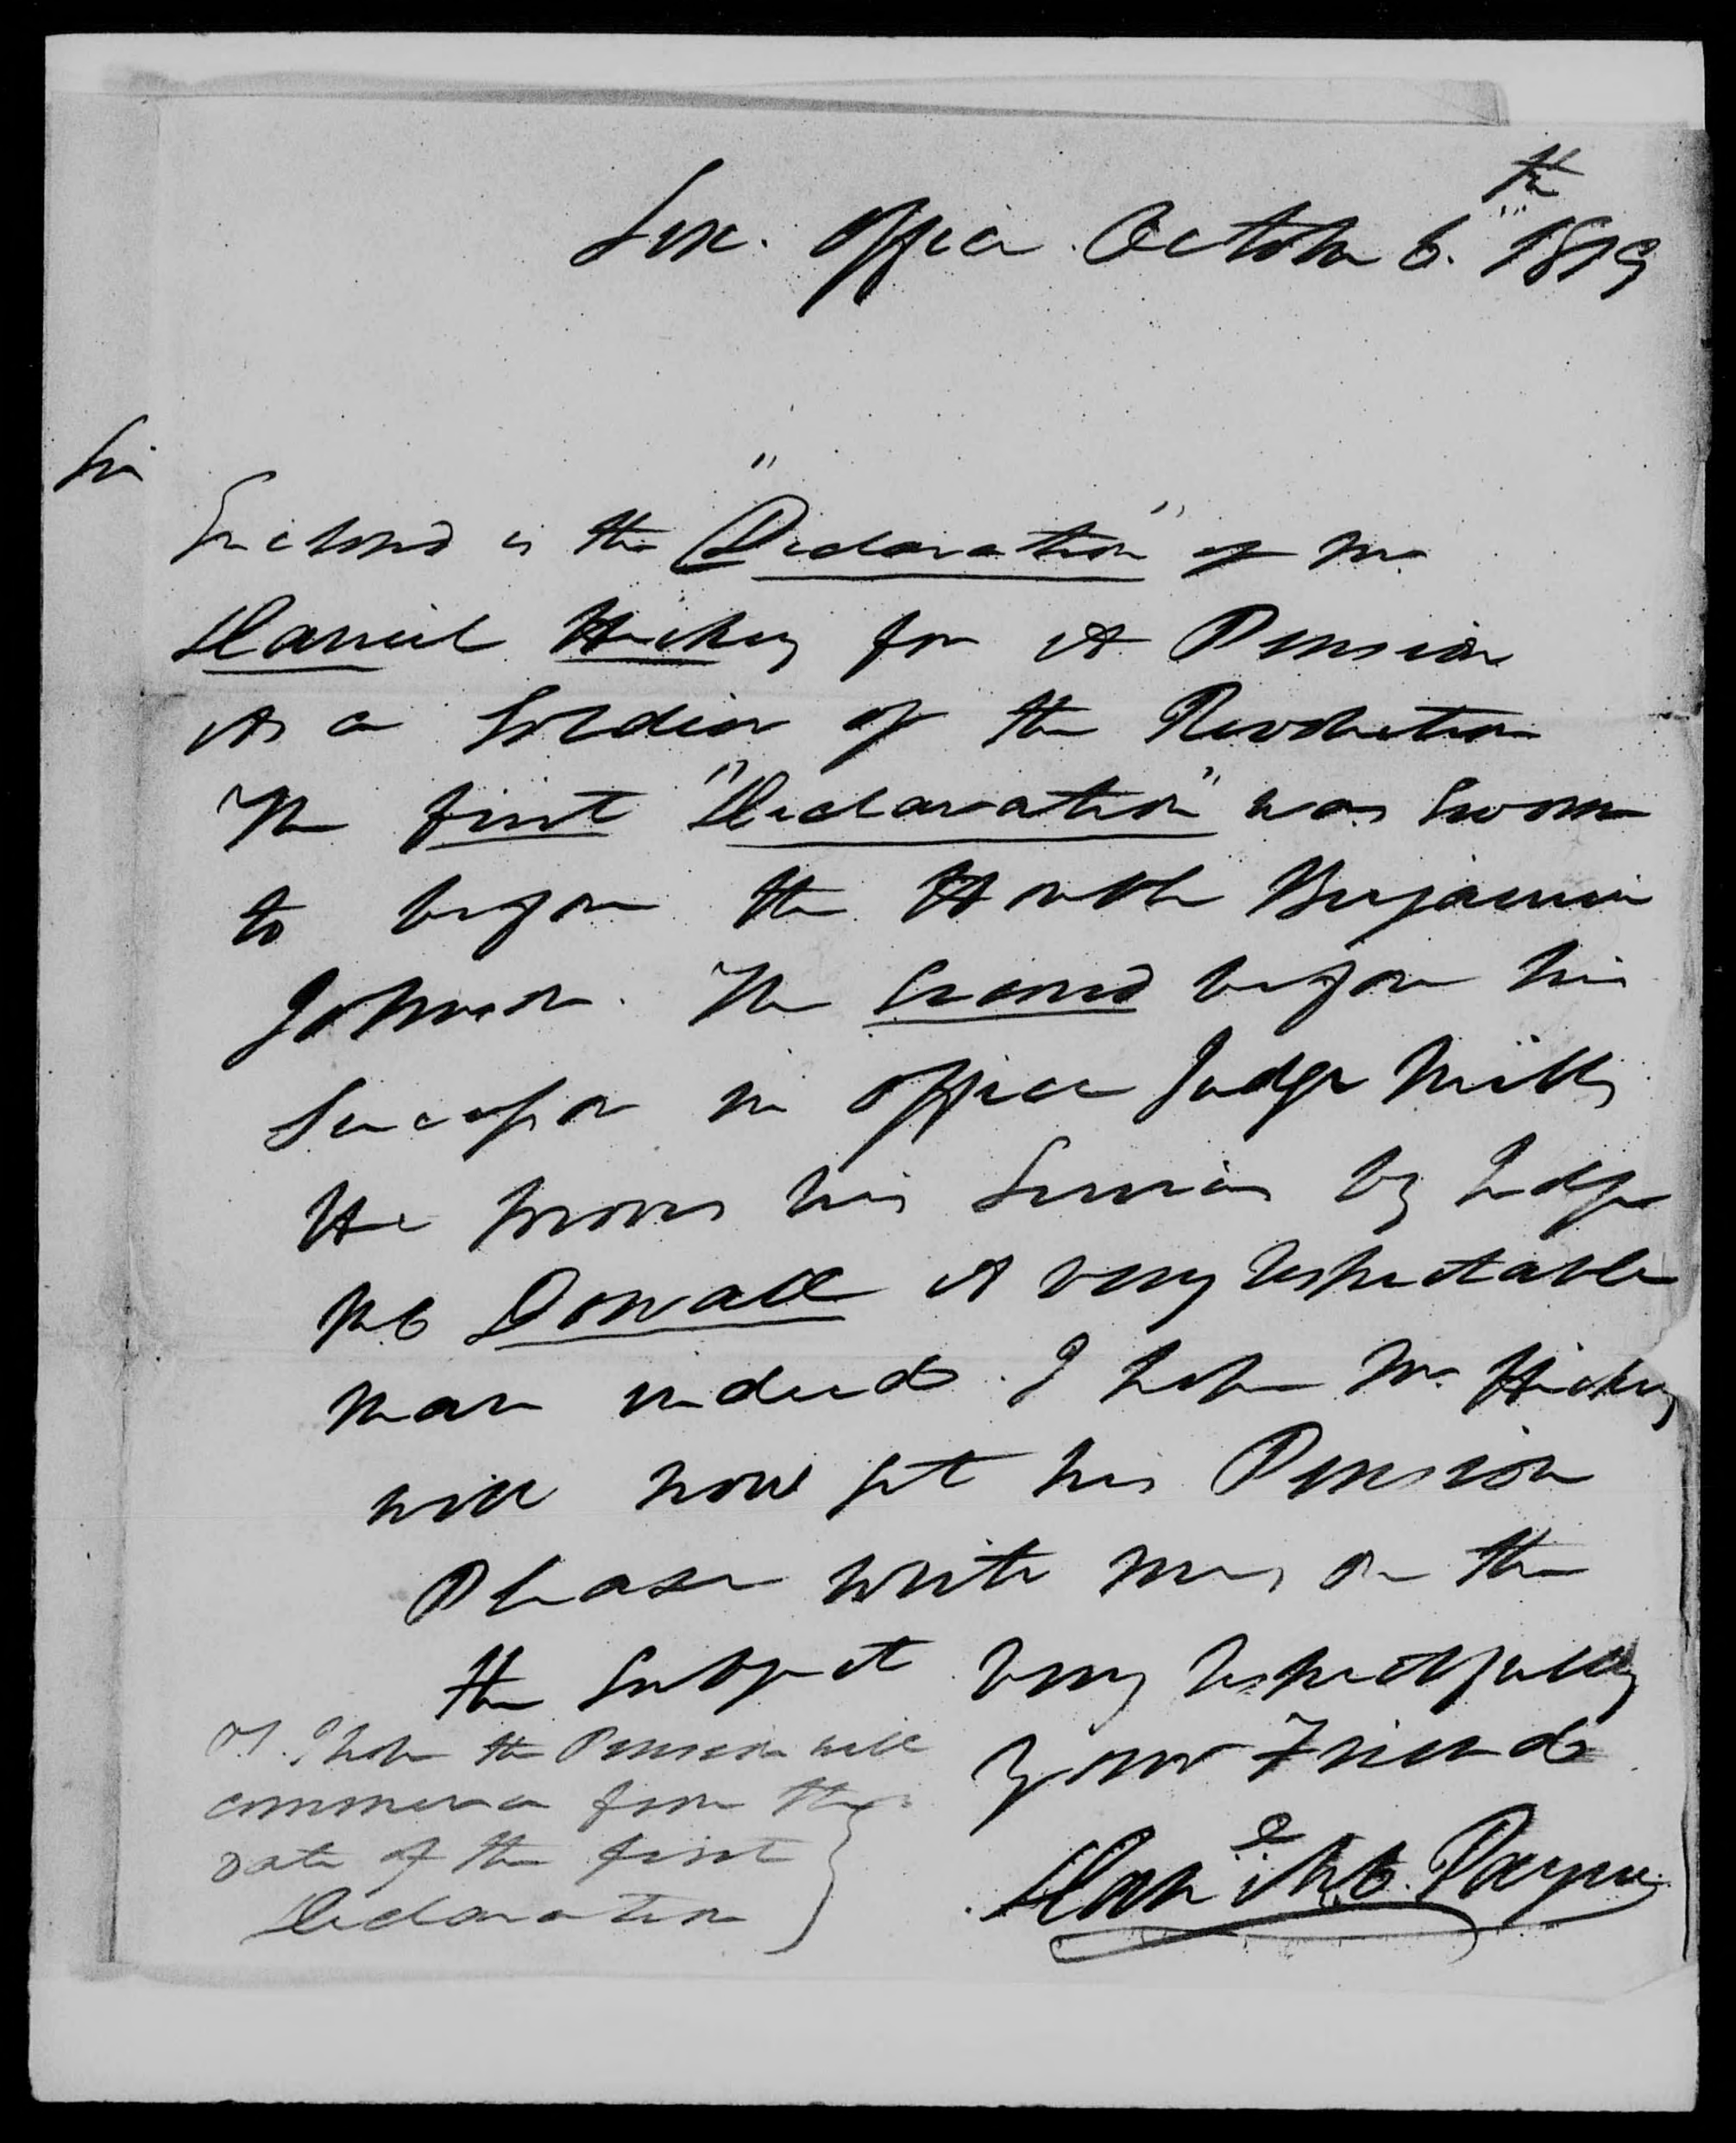In Office October 6. 1879
Sir
Enclosed  is the Declaration of
Mr Daniel Hickey for A Pension
as a Soldier of the Revolution
The first declaration was sworn to before the North Benjamin
Johnson. The second before his
successor in office Judge Mill
he proved  his service  by Judge 
McDowall a very respectable
man indeed I hope Mr  Hickey
can now get at his pension
please write me on the 
the Subject 
very respectfully your friend
Danl McPayne

I hope the pension will
commence from the
date of the first
declaration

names: Benjamin Johnson, Mc Dowall, Danl M C Payne, Mills, Daniel Hickey, Hickey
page: 65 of 84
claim: widow's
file: W. 7744, Daniel Hickey, Penn.